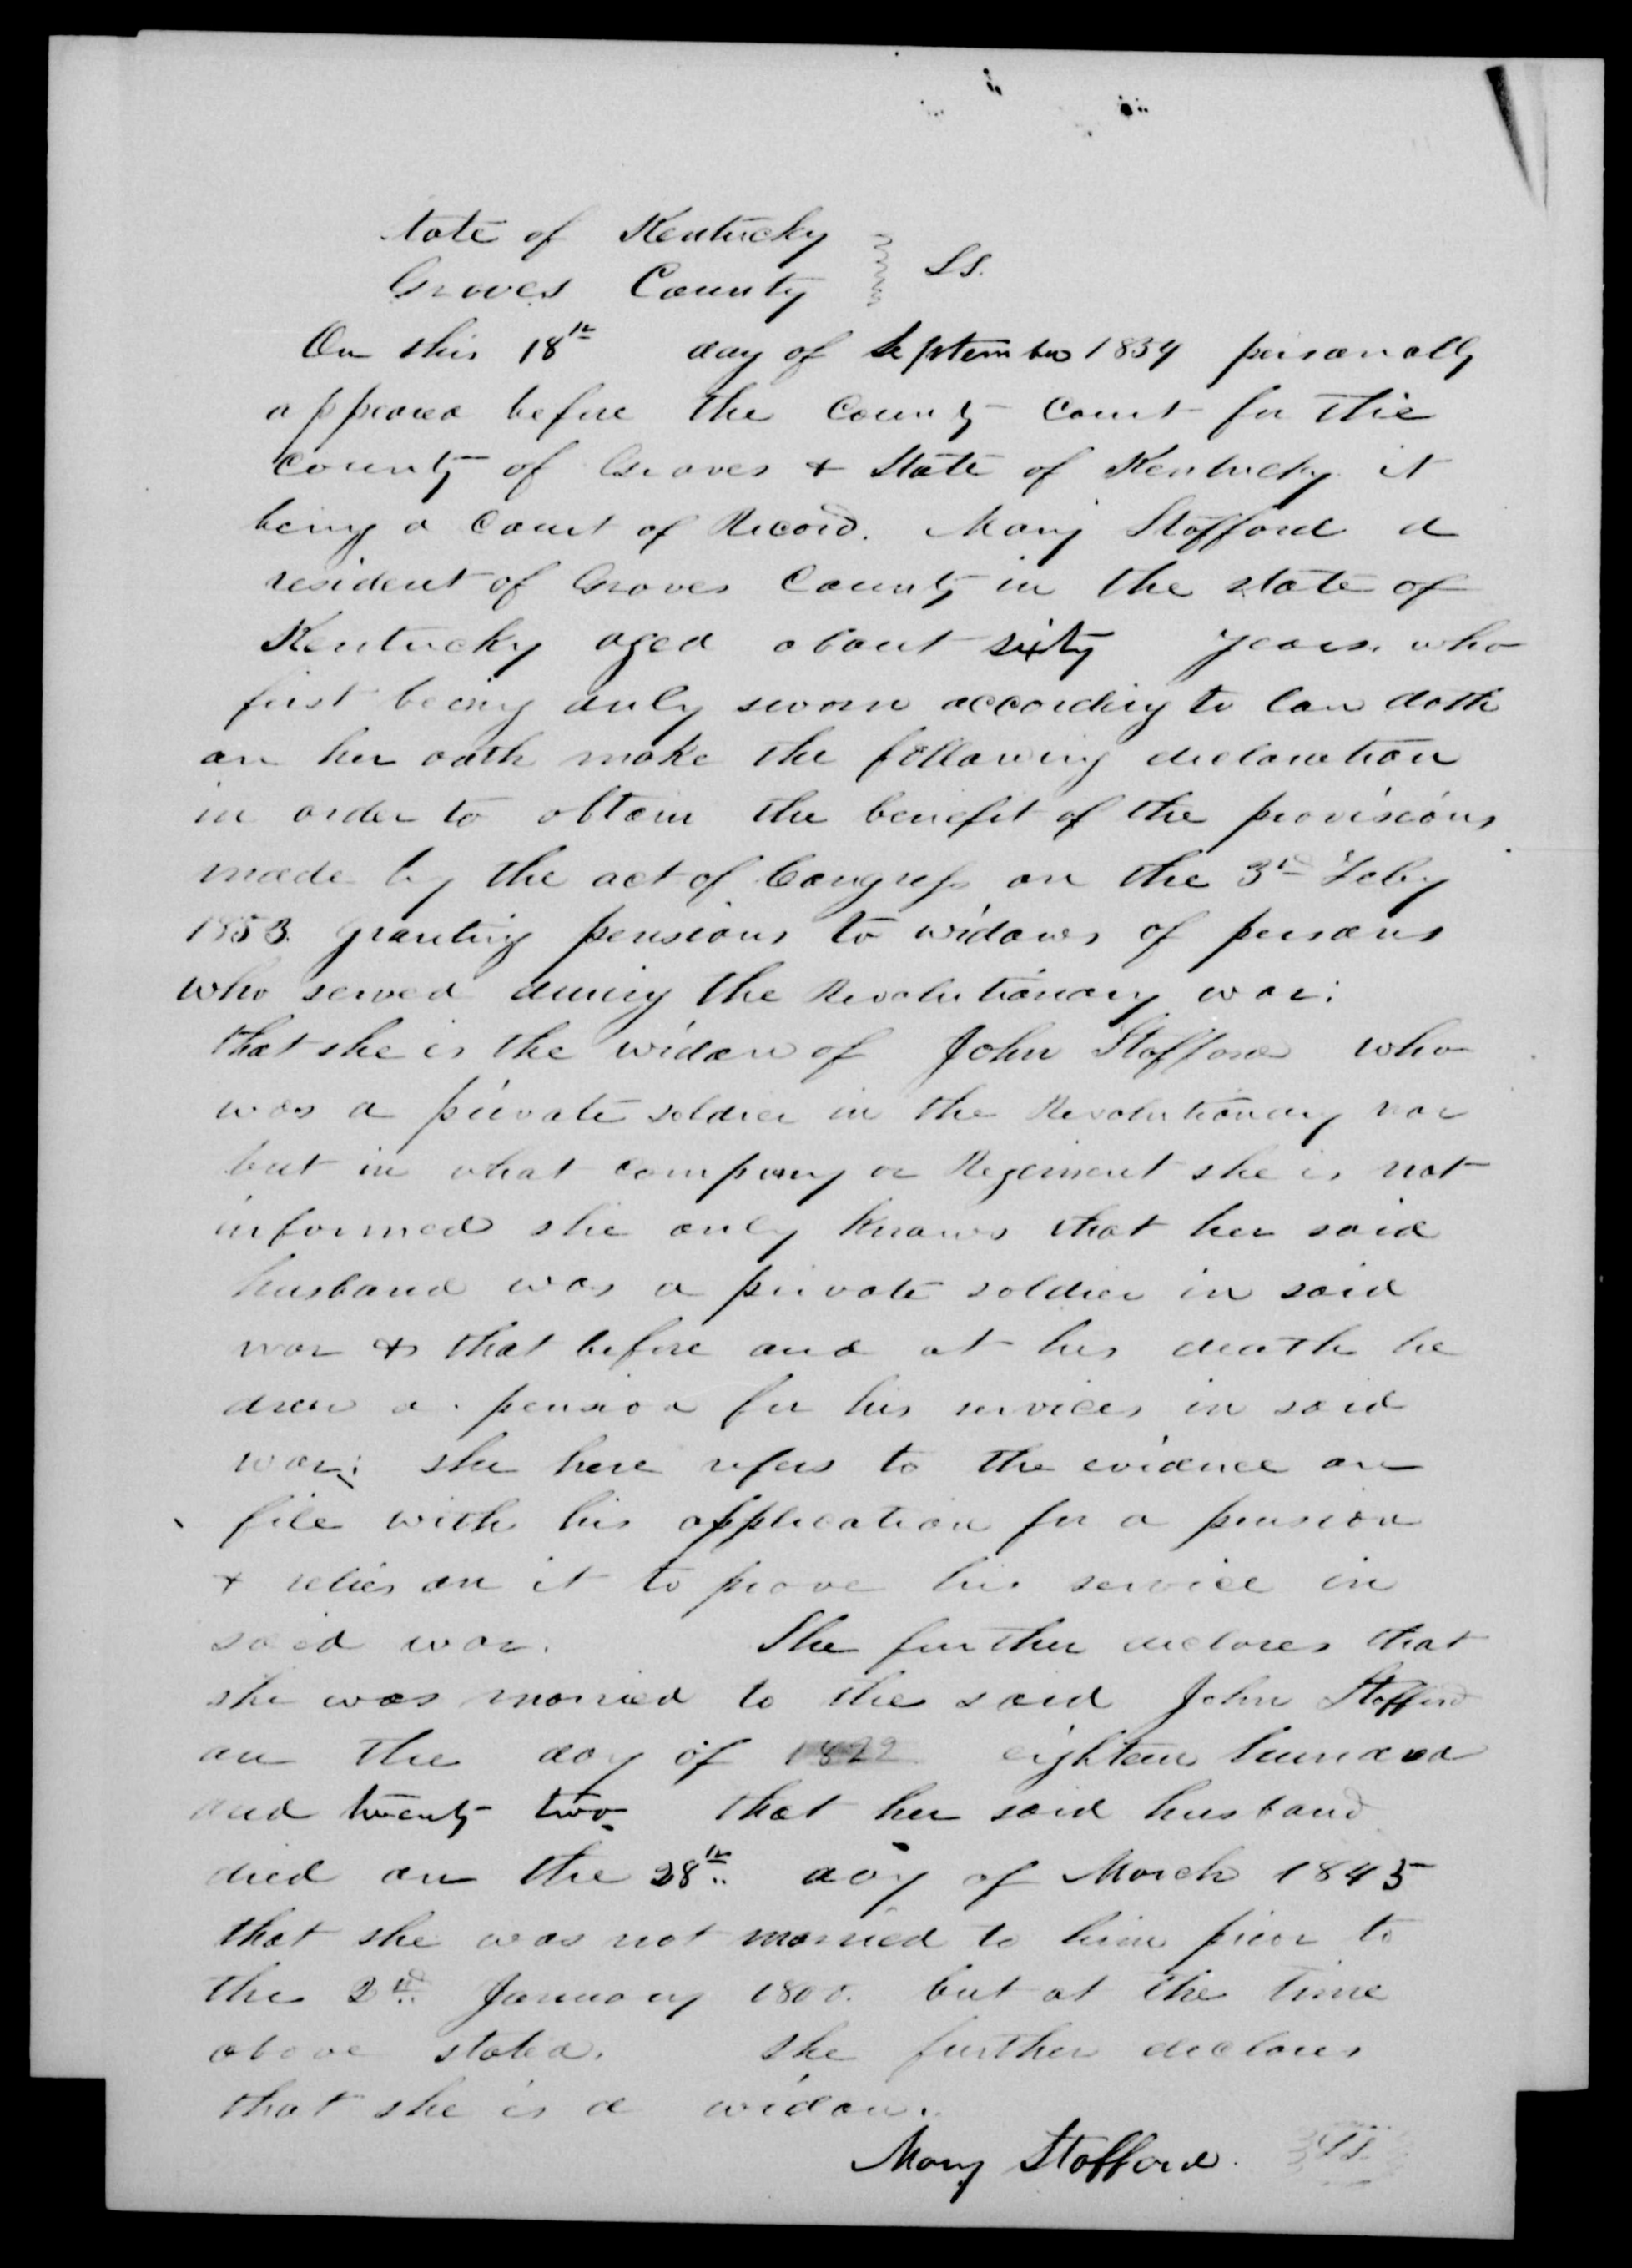State Of Kentucky}
Graves County      } seal

On this 18th day of September 1834 personally appeared before the county court for the county of Graves & State of Kentucky it being a Court of Record. Mary  Stafford a resident of Graves County in the state of Kentucky aged about sixty years, who first being duly sworn according to the following declaration on her oath make the following declaration in order to obtain the benefit of the provisions made by the actor Congrefs on the 3rd Feb 1853 granting pensions to widows of persons who served during the Revolutionary War:
that she is the widow of John Stafford who was a private soldier in the Revolutionary War but in what company or Regiment she is not informed she only knows that her said husband was a private soldier in said war & that before  and at his death herded a pension for his services in said war: she here refers to the evidence an file with his  appreciation for a pension & relies on it to prove his service in said war. She further declares that she was married to the said John Stafford on the day of 1822 eighteen hundred and twenty two that her said husband and on the 28th  day of March 1845 that she was not married to him prior to  the 2nd January 1800, but the time above stated. Se further declares that she is a widow
Mary Stafford S.S.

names: Mary Stafford; John Stafford; Mary Stafford; John Stafford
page: 17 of 61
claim: widow's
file: W. 11554, for John Stafford, Maryland